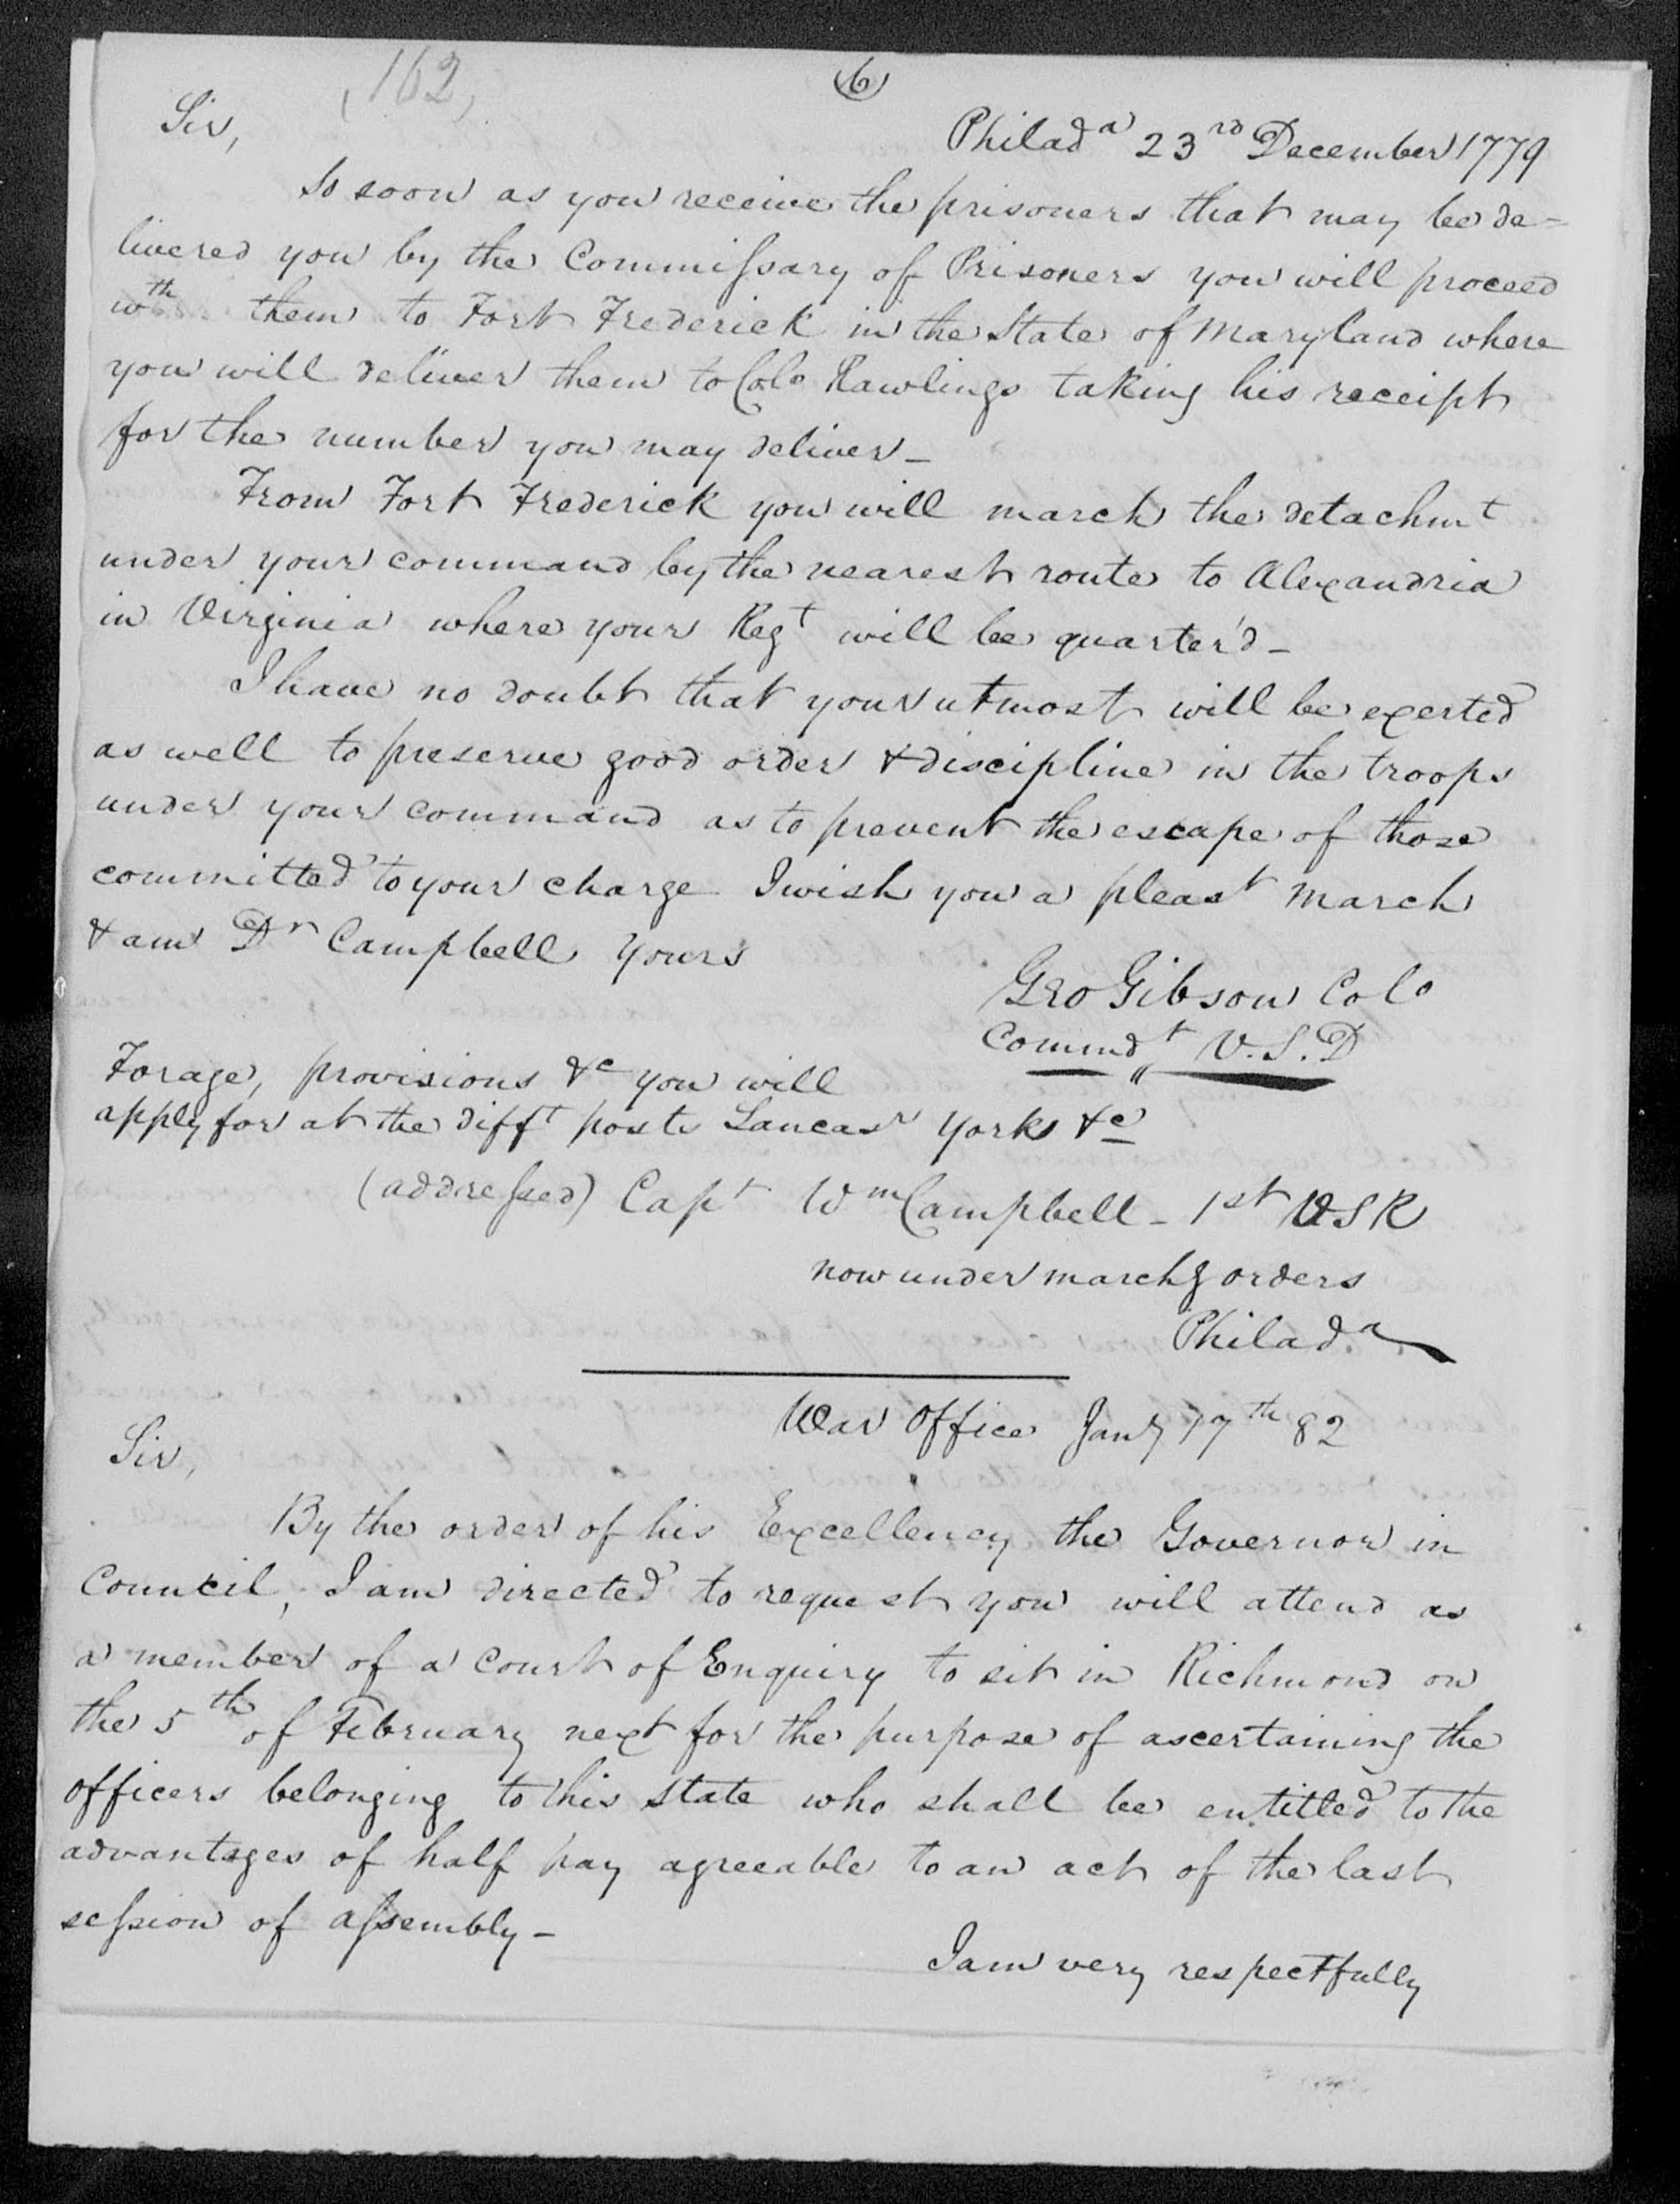(162).    (6)
Philada 23rd December 1779
Sir,
So soon as you receive the prisoners that may be delivered you by the Commissary of Prisoners you will proceed with them to Fort Frederick in the State of Maryland where you will deliver them to Colo Rawlings taking his receipt for the number you may deliver _
From Fort Frederick you will march the detachment under your command by the nearest route to Alexandria in Virginia where your Regt will be quartered _
I have no doubt that your utmost will be exerted as well to preserve good order +[and] discipline in the troops under your command as to prevent the escape of those committed to your charge. I wish you a pleast march +[and] am Dr Campbell yours
Geo Gibson Colo
Commdt V.S.R.
Forage, provisions +c [et cetera] you will apply for at the difft post Lancasr York +c [et cetera]
(addressed) Capt Wm Campbell _ 1st  VSR
now under marchg orders Philada
___________________

War Office   Jany 17th 82
Sir,
By the orders of his Excellency the Governor in Council, I am directed to request you will attend as a member of a Court of Enquiry to sit in Richmond on the 5th of February next for the purpose of ascertaining the officers belonging to this State who shall be entitled to the advantages of half pay agreeable to an act of the last session of assembly _
I am very respectfully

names: Wm Campbell, Geo Gibson, Rawlings, Campbell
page: 8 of 267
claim: widow's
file: W. 4,149, William Campbell, Va.